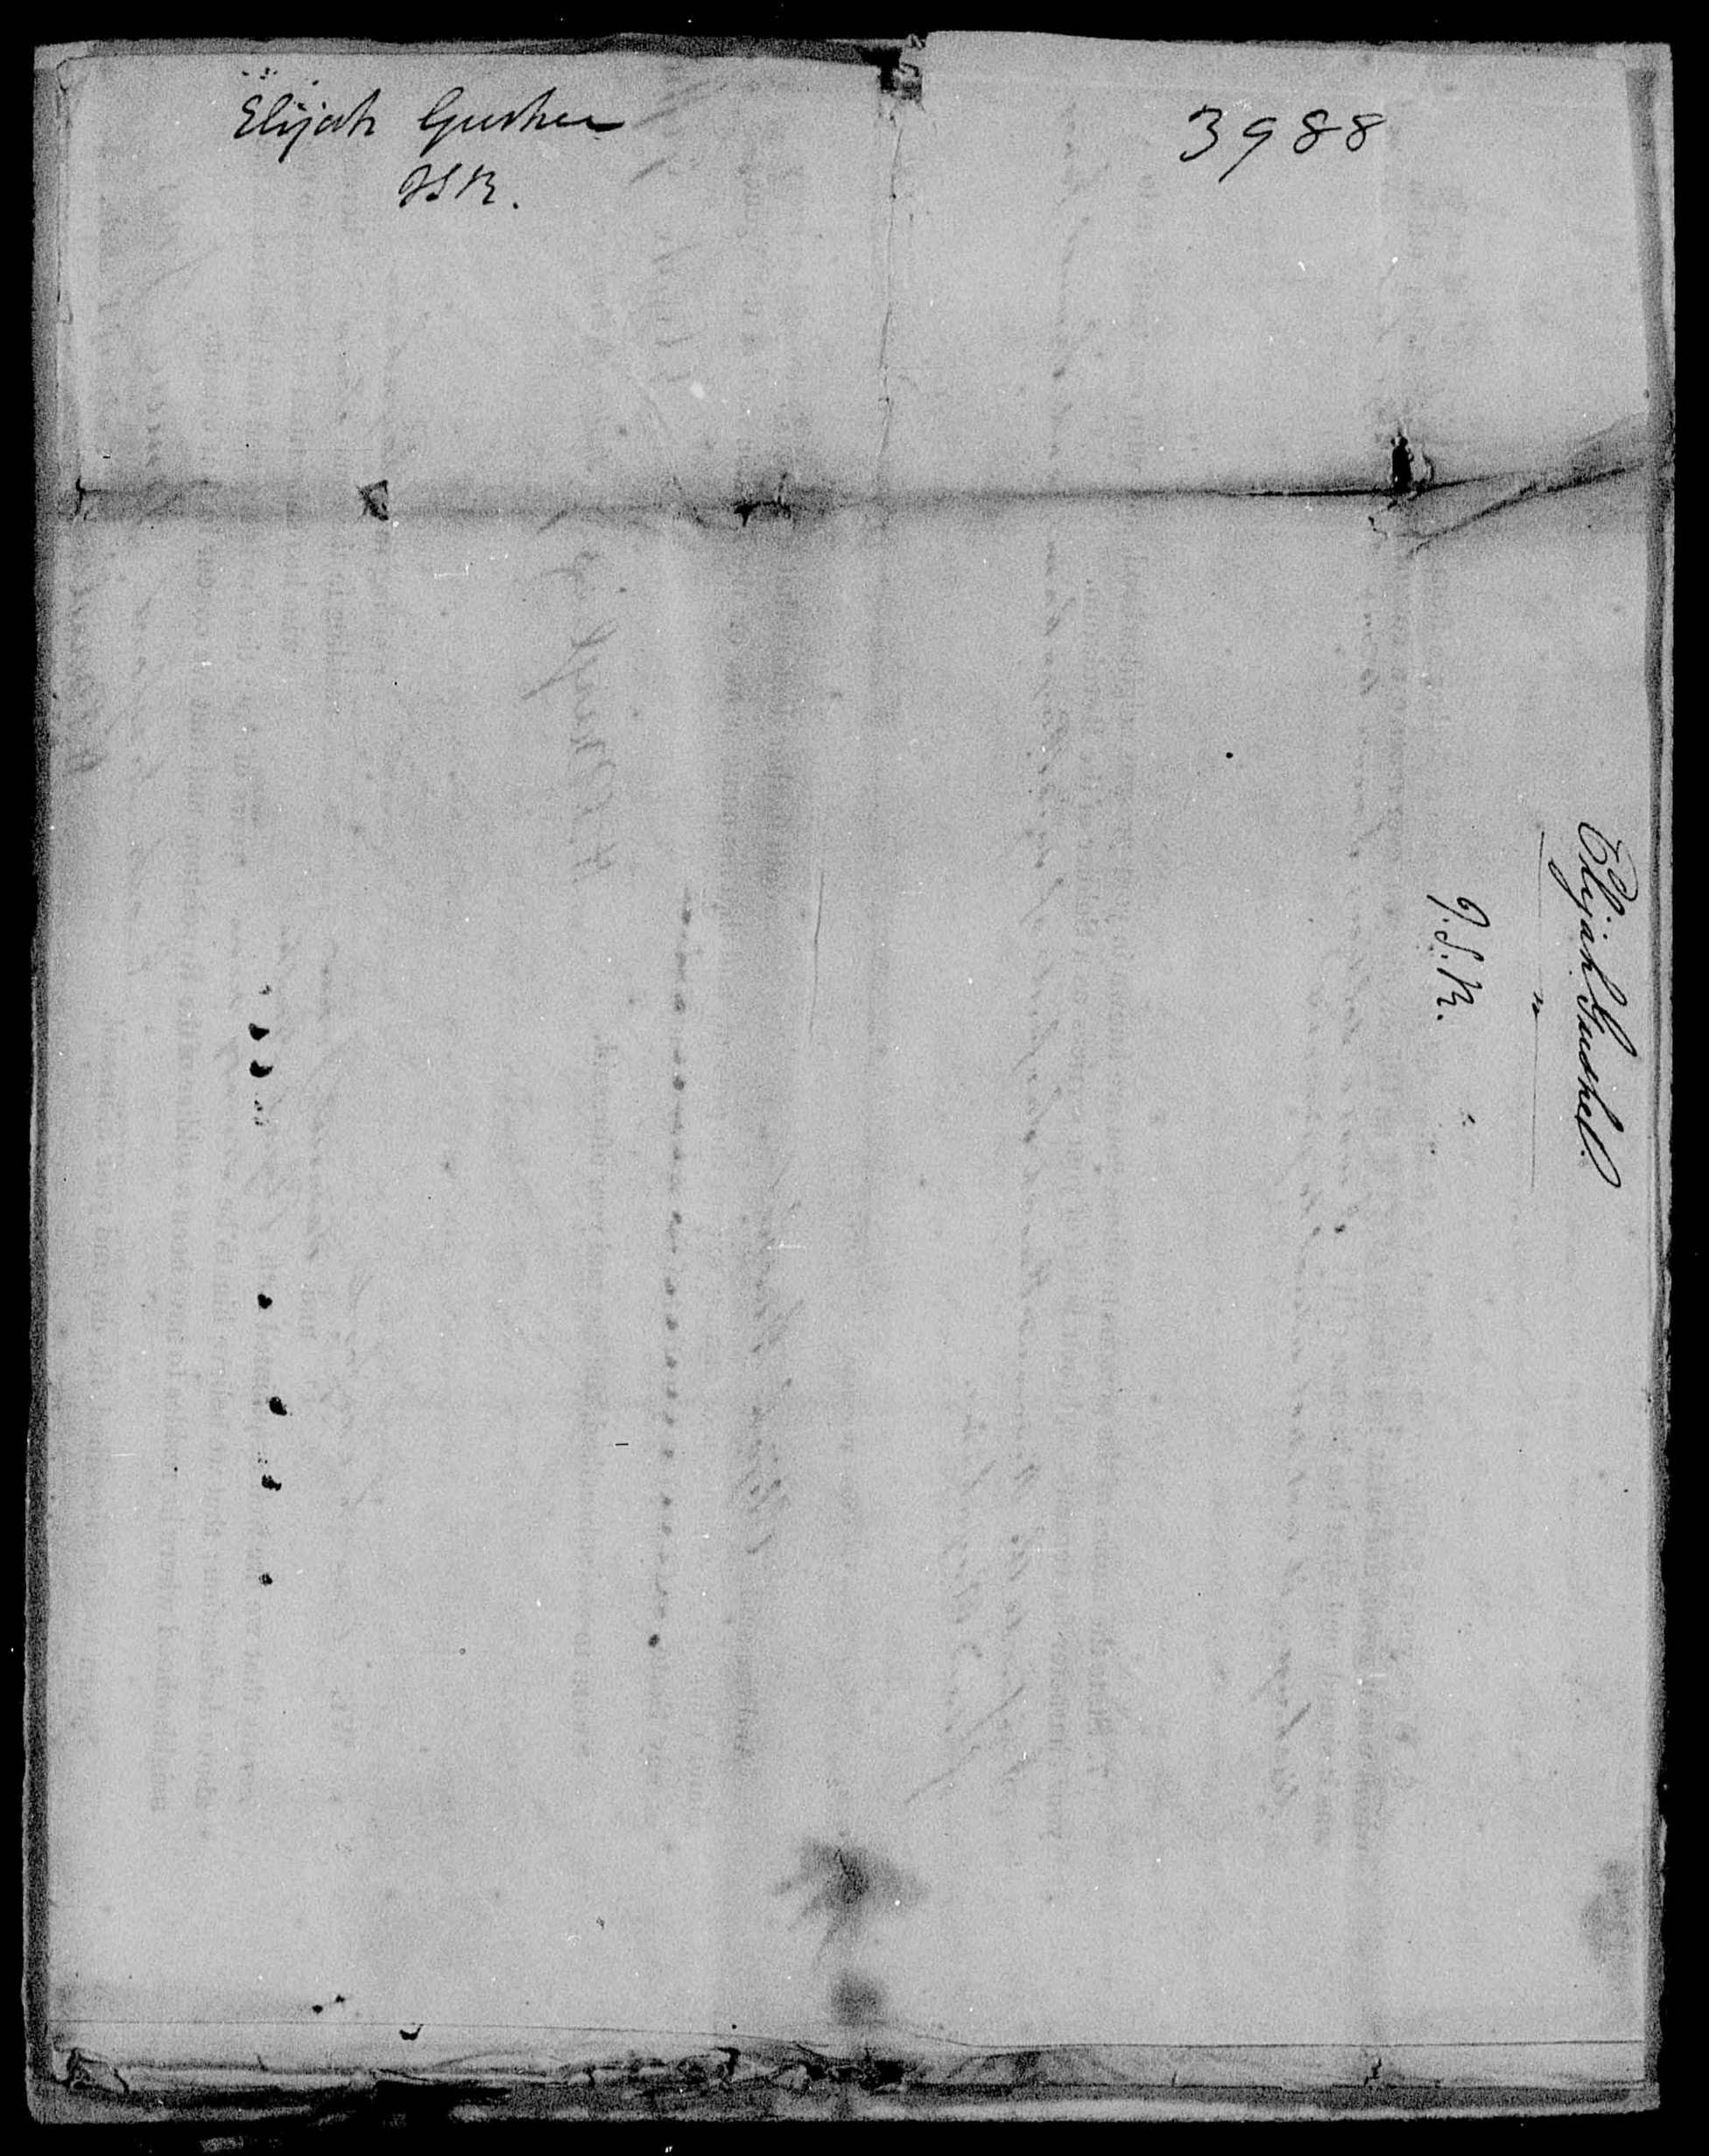[left side text]
Elijah Gushee
H.R.

[right side text]
3988

[right text - sideways]
Elijan Gushee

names: Elijah Gushe, Elijah Gushee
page: 4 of 36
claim: widow's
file: W. 8838, Elijah Gushee, Mass.